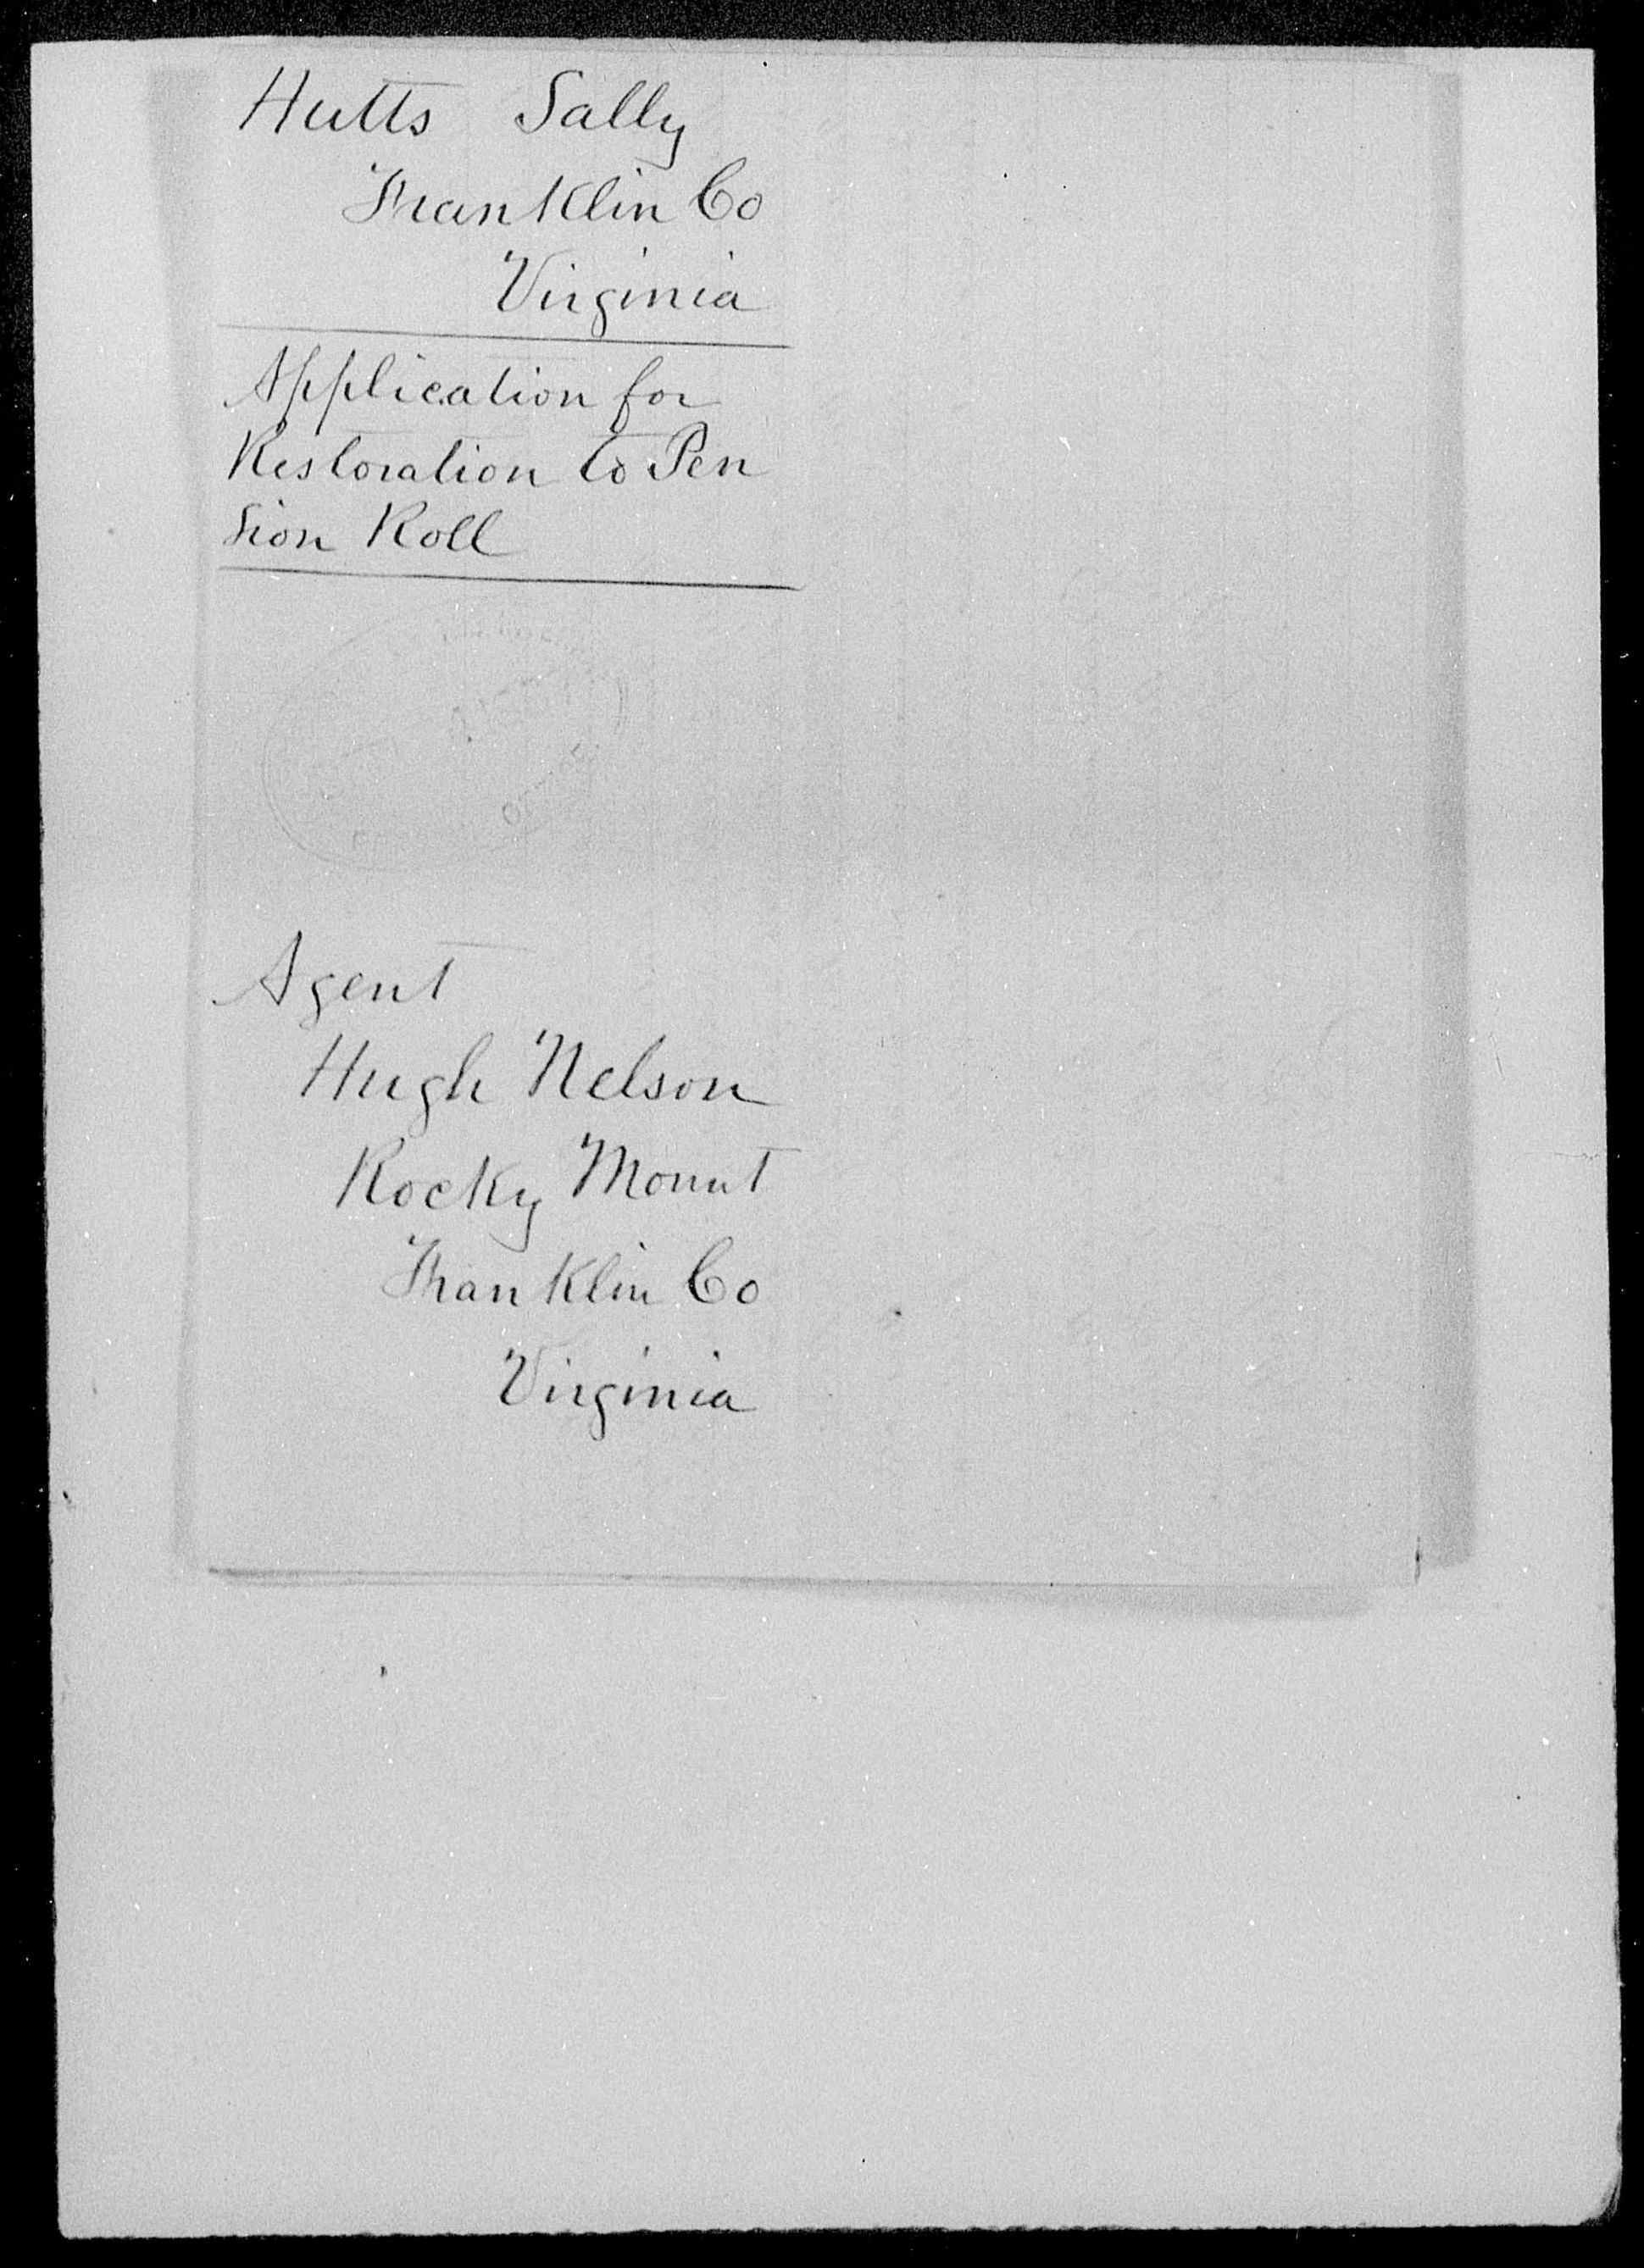Hutts Sally
Franklin Co
Virginia

Application for 
Restoration to Pension Roll

Agent Hugh Nelson
Rocky Mount
Franklin Co
Virginia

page: 30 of 33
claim: widow's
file: W. 550, for Leonard Hutts, Virginia